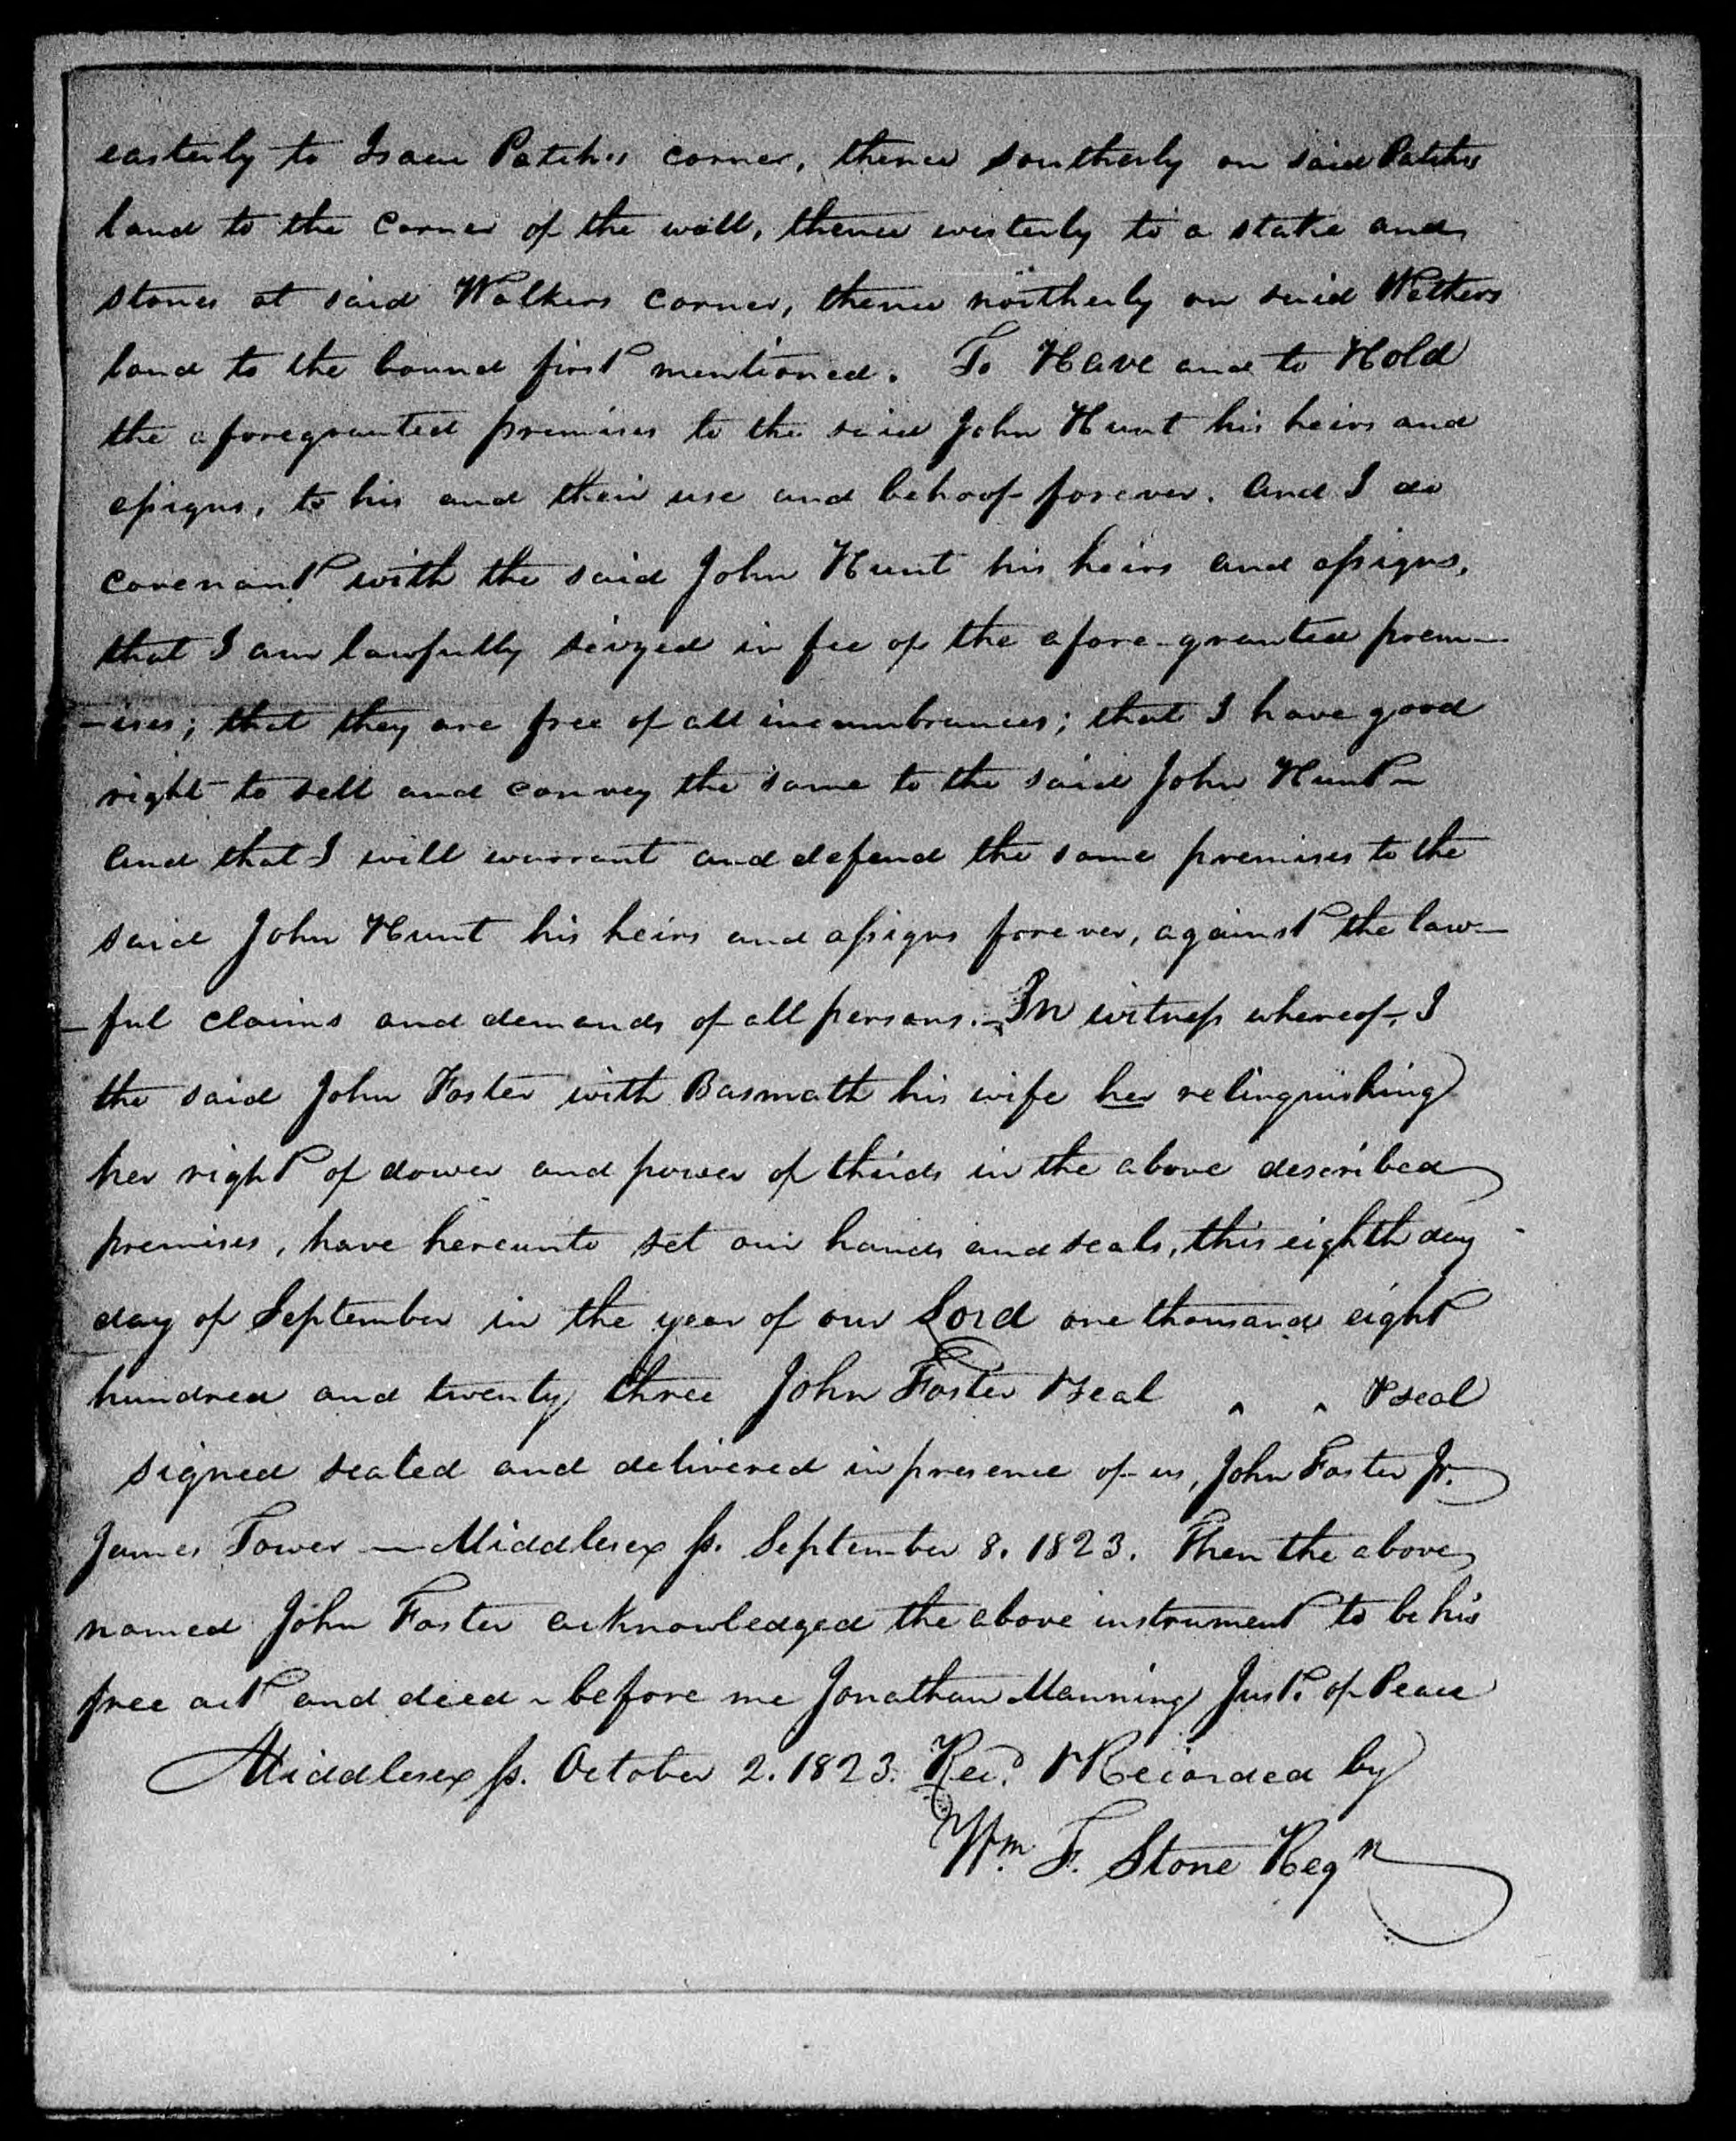easterly to Isaac Patch, come thence southerly on said Patches house to the corner of the wall, thence westerly to a stake and stones at said Walkers corner, thence northerly on said Walkers land to the house as first mentioned. To have and to hold the fore-granted premises to the said John Hunt his heirs and assigns to his and their use and behalf forever and I do covenant with the said John Hunt and his heirs and assigns that I am lawfully [illegible] in fee of the afore-granted premises; that they are free of all encumbrances; that I have good right to sell and convey the same to the said John Hunt and that I will warrant and defend the same premises to the said John Hunt, his heirs and assigns forever against the lawful claims and demands of all persons. In witness whereof, I the said John Foster with Basmath, his wife, her relinquishing her right of dower and power of [illegible] in the above described premises, have hereunto set our hand and seal, this 8th day of Sep in the year of our Lord 1823. John Foster, seal, seal
signed sealed and delivered in presence of us: John Foster Jr. James Power Middlesex, Sep 8, 1823. Then the above named John Foster acknowledged the above instrument to be his own free act and deed before me Jonathan Manning, Justice of Peace,
Middlesex; Oct 2, 1823
Received and recorded by
William F. Stone, Registrar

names: Walker, John Hunt, John Foster, Isaac Patcher, James Tower, John Hunt, Jonathan Manning, Wm F Stone, John Foster, John Hunt, John Hunt, John Foster, John Foster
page: 45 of 47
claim: widow's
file: W. 7,302, John Foster, Continental Mass. R.I.